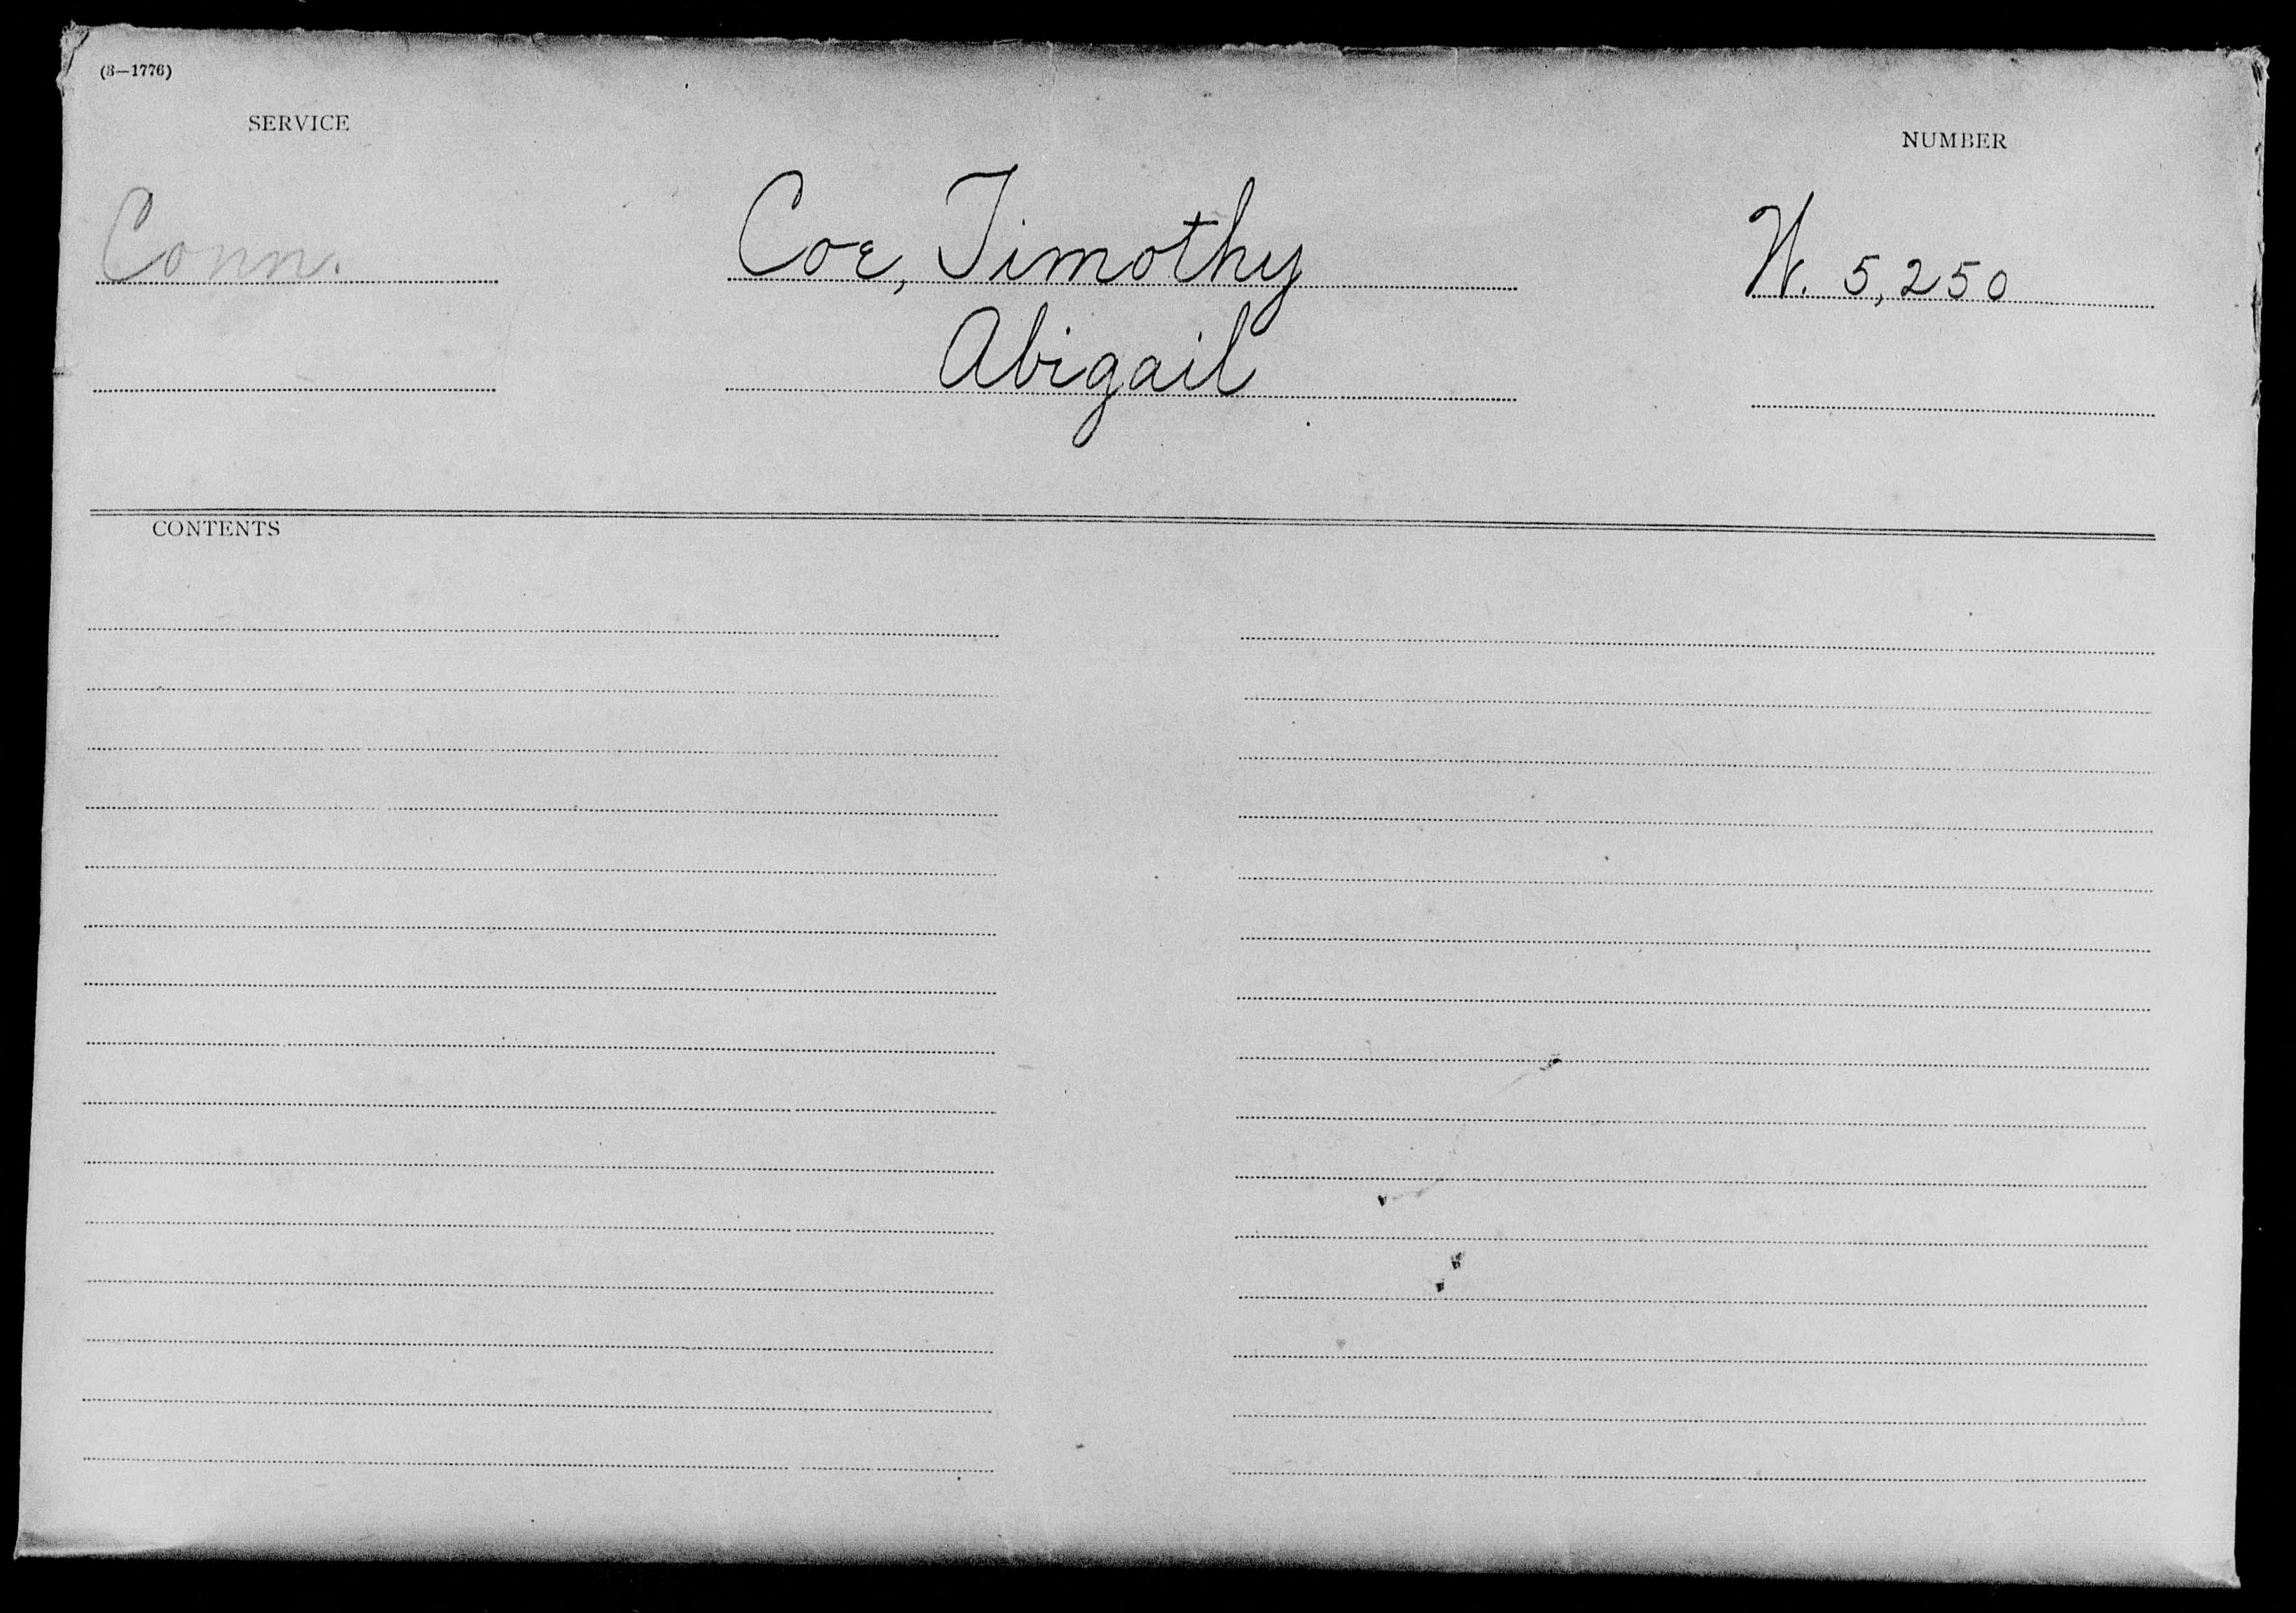Service Conn.  Cor, Timothy Abigail 
Number W. 5,250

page: 1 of 76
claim: widow's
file: W. 5,250, Timothy Coe, Conn.